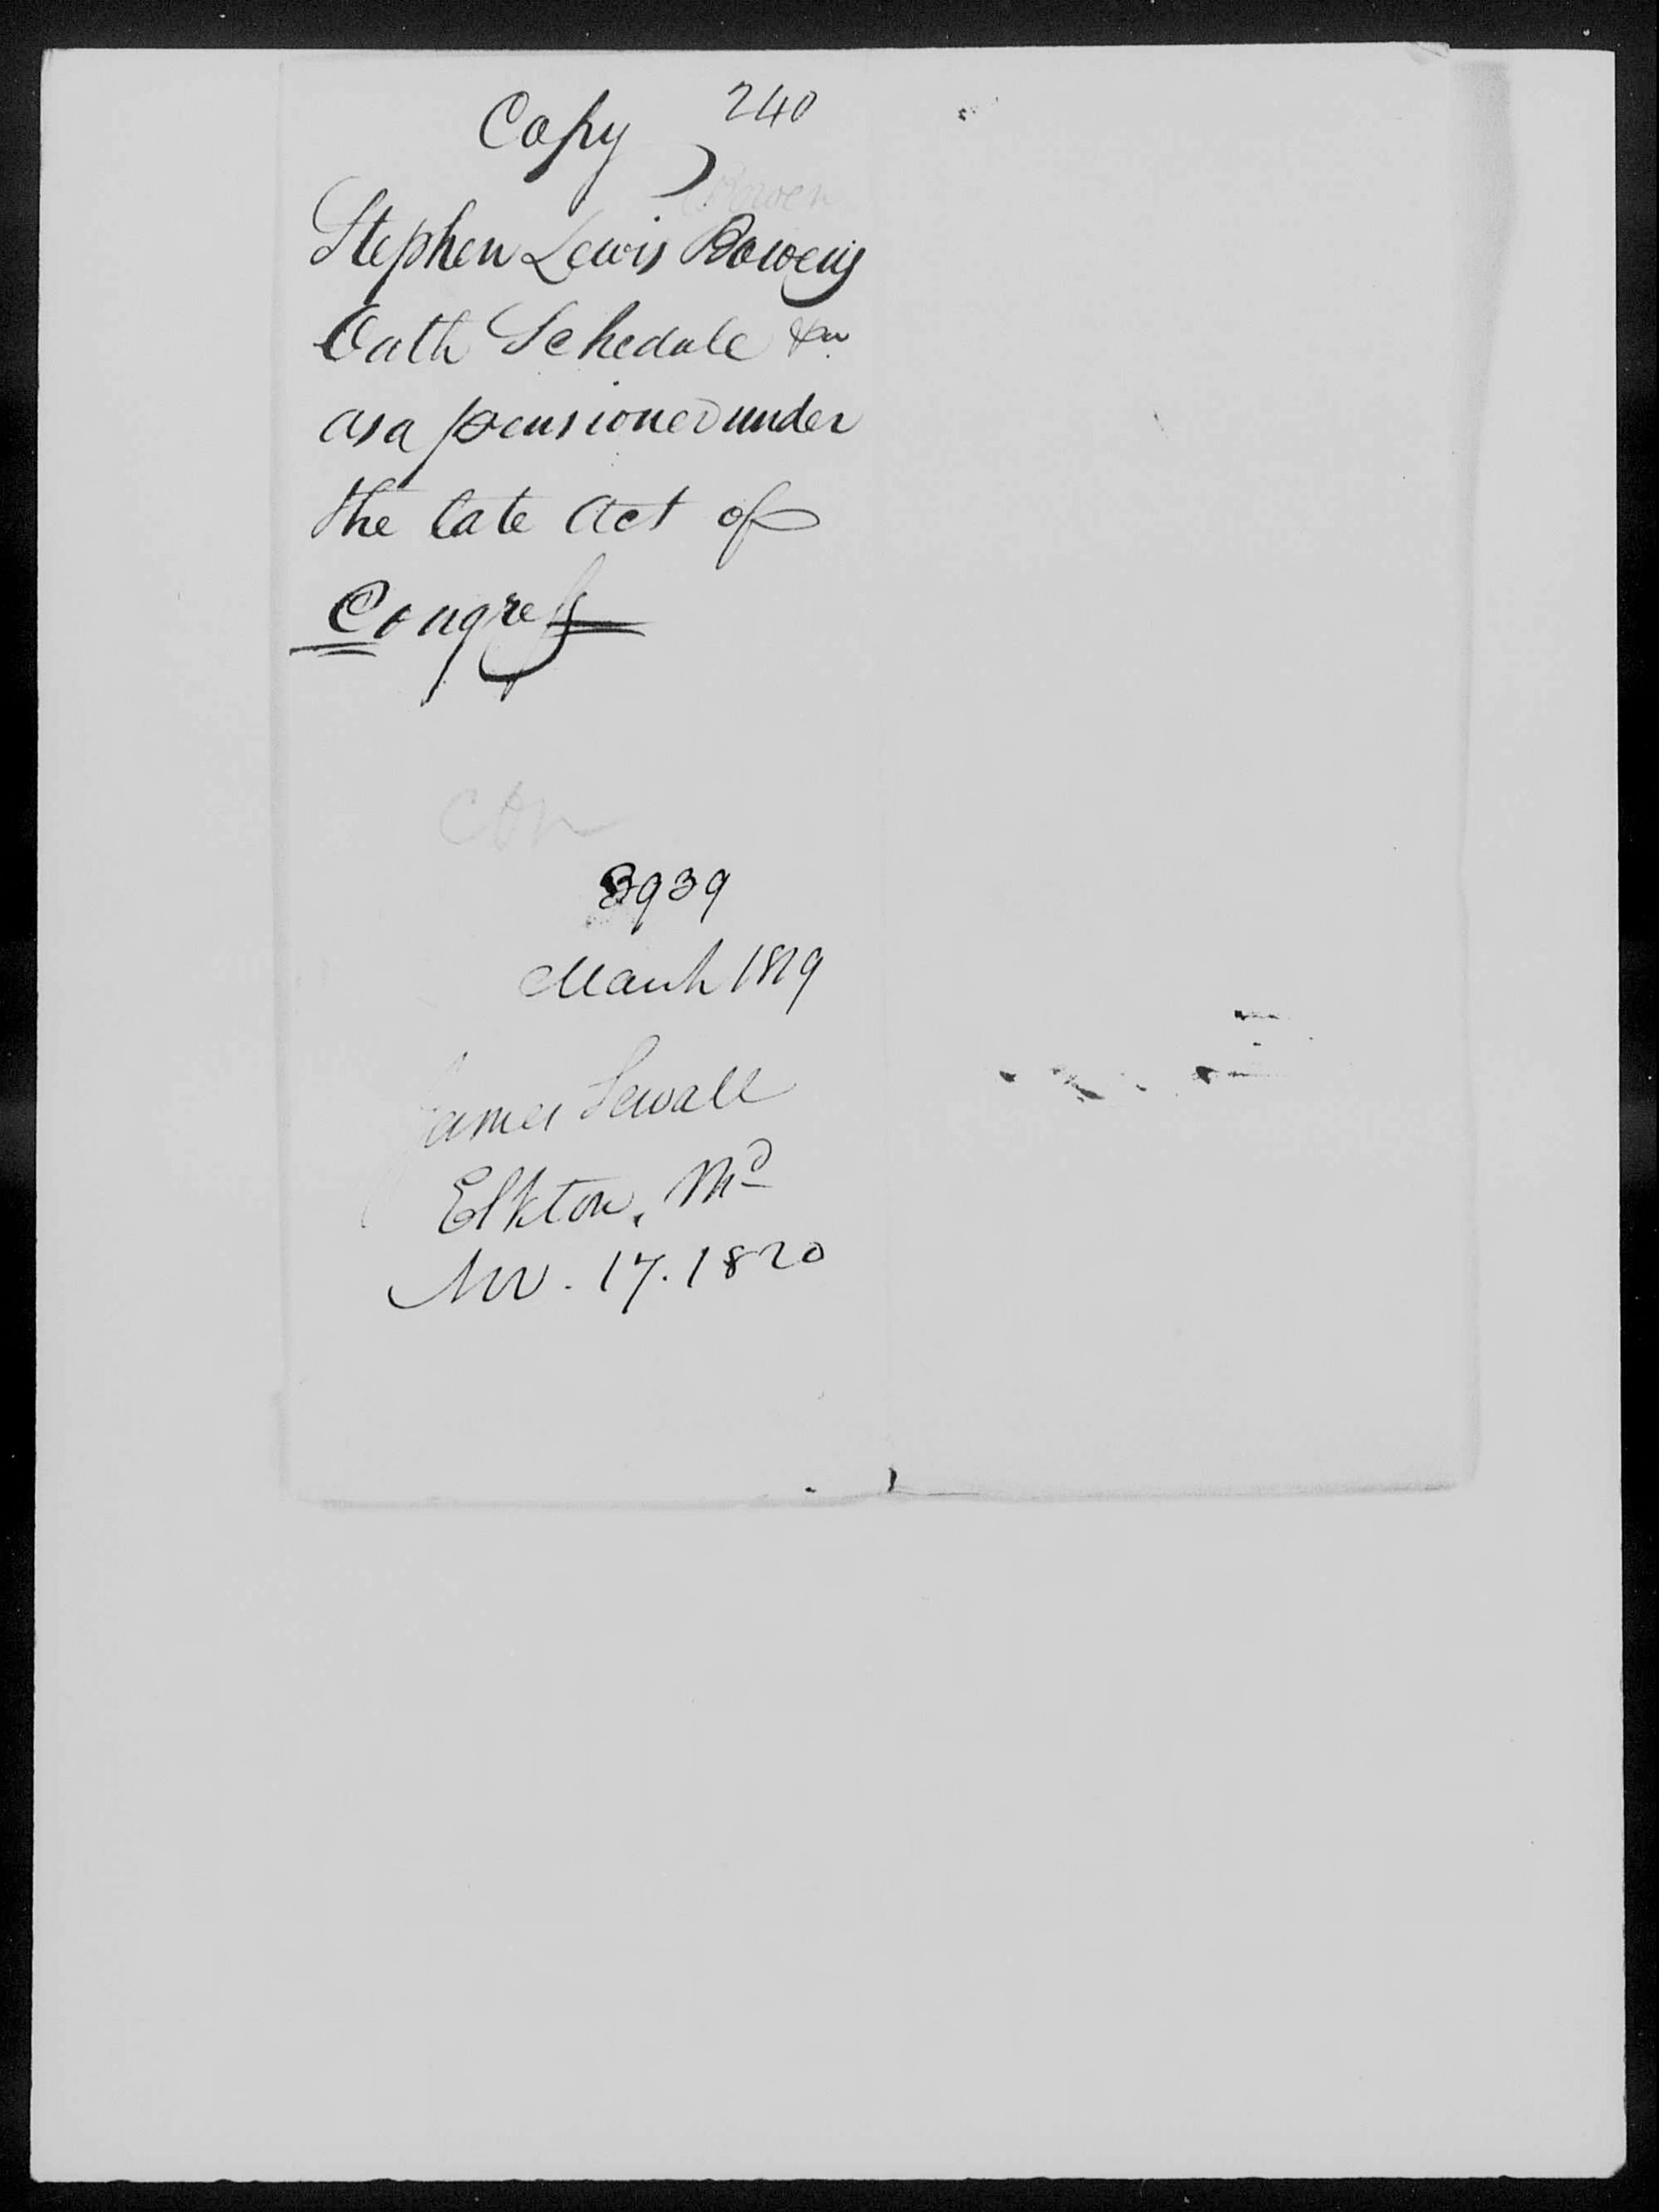Copy, 240

Stephen Lewis Bowen
Oath Schedule for
a pensioner under
the late Act of
Congress

con
3939
March 1819
James Sewall
Elkton, MD
Nov. 17. 1820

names: Oath Schedale, Stephen Lewis Bowen, James Sewall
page: 4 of 11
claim: survivor's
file: S. 34,661, Stephen Lewis Bowen, Md.